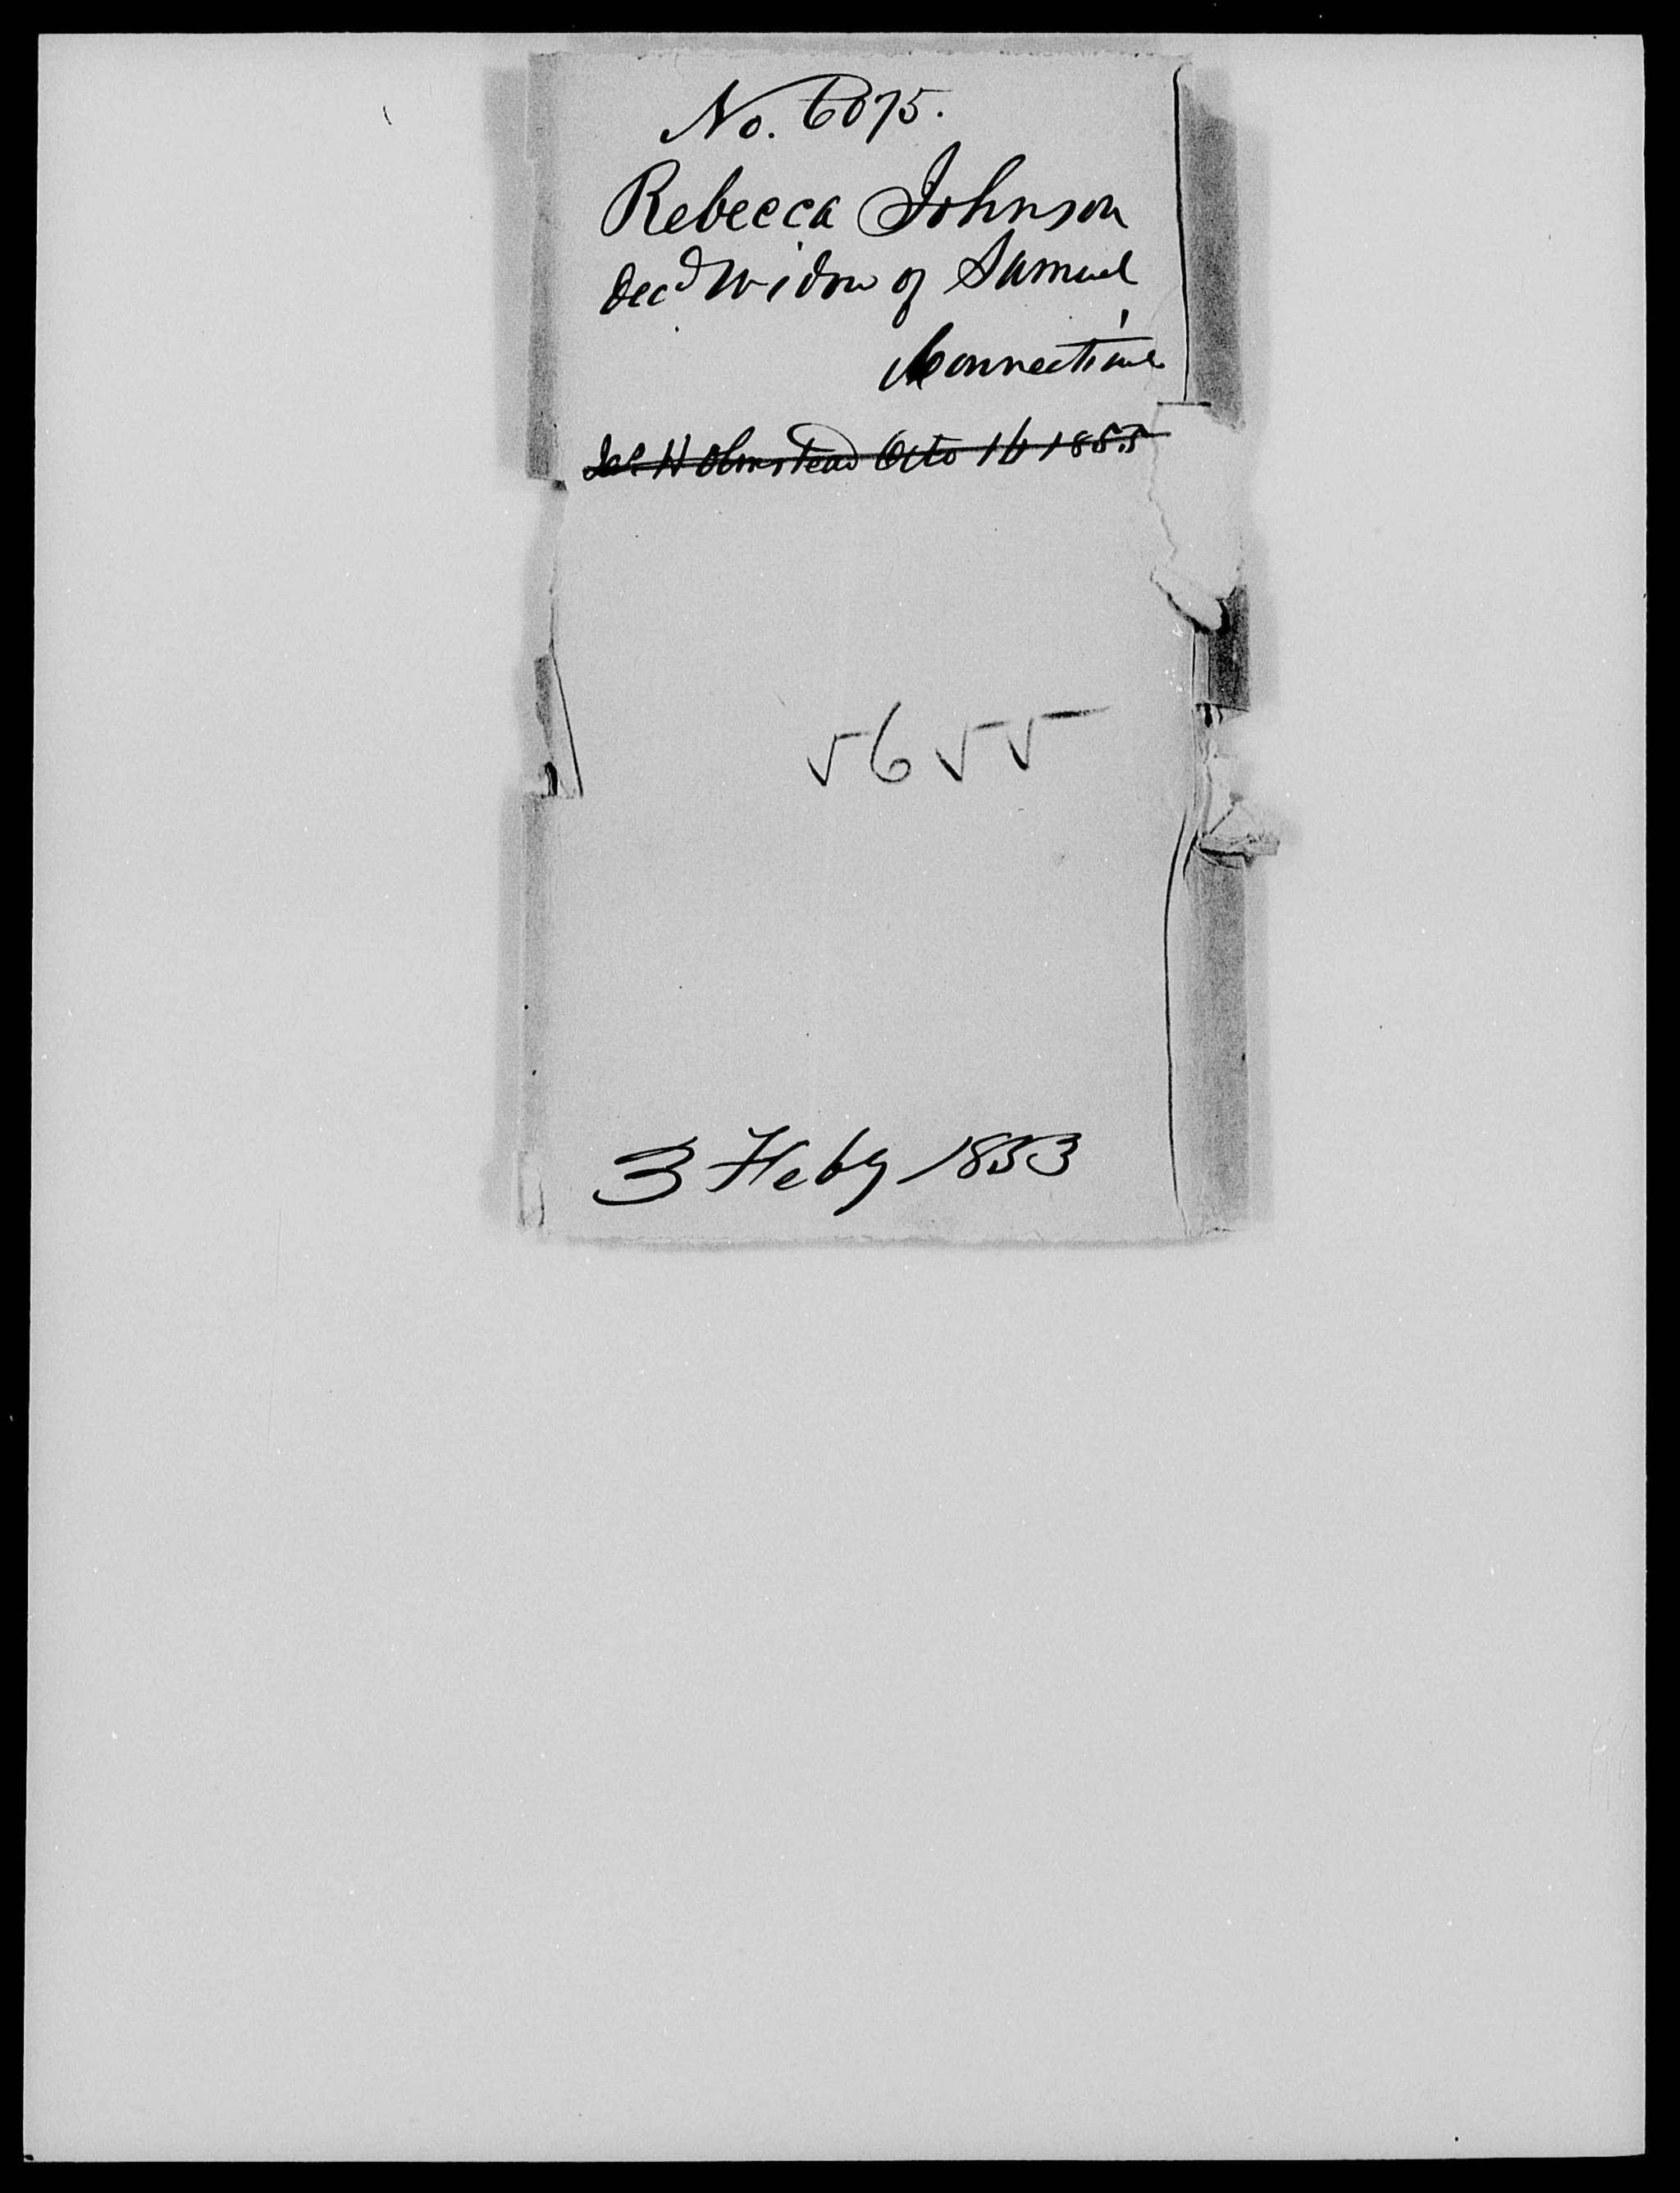No. 6075. 
Rebecca Johnson 
Decd Widow of Samuel 
Connecticut 
5655
3 Feby 1853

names: Samuel Johnson; Rebecca Johnson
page: 26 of 43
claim: rejected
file: R. 5655, for Samuel Johnson, Connecticut